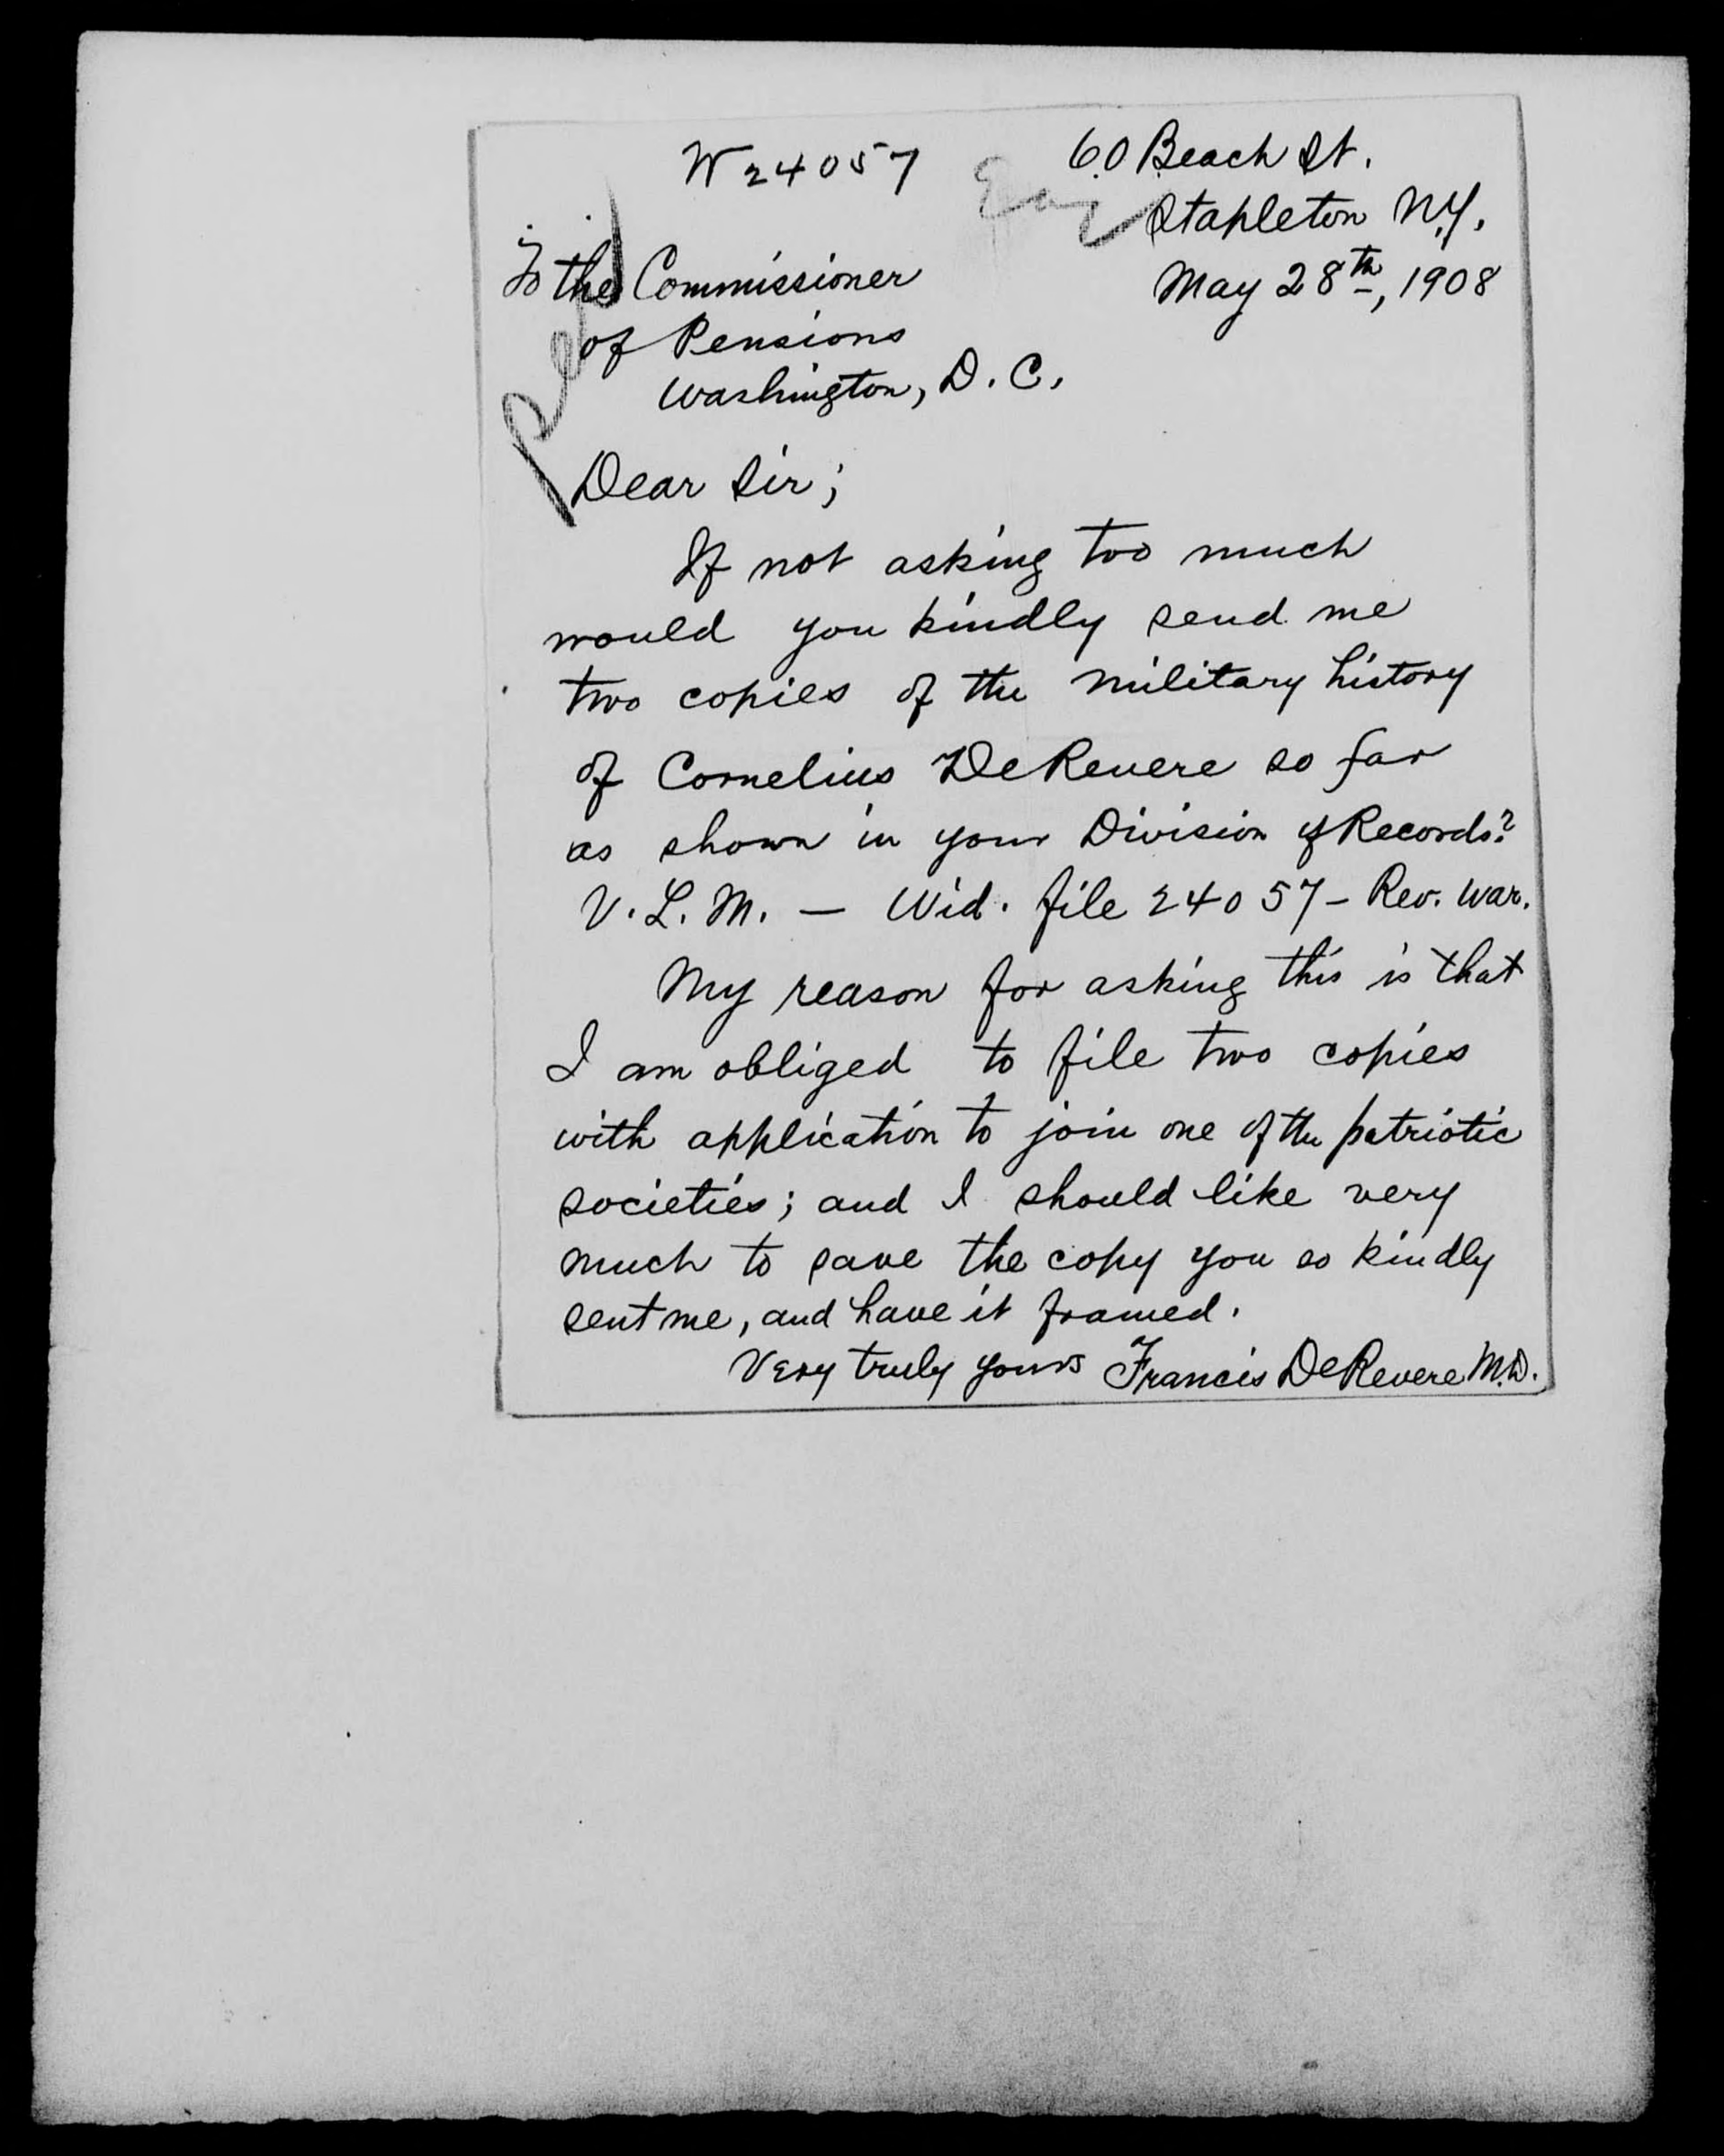W24057                             60 Beach St.
                                           Stapleton, N.Y.
To the Commissioner               May 28, 1908
     of Pensions
        Washington, D.C.

Dear Sir:
  If not asking too much, would you kindly send me two copies of the military history of Cornelius DeRevere so far as shown in your Division of Records? V.L.M. - Wid. file 24057 - Rev. War.
   My reason for asking this is that I am obliged to file two copies with application to join one of the patriotic societies; and I should like very much to save the copy you as kindly sent me, and have it framed.
                               Very truly yours
                                    Francis DeRevere M.D.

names: Cornelius De Revere, Francis De Revere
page: 10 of 40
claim: widow's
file: W. 24057, Cornelius De Revere, New York